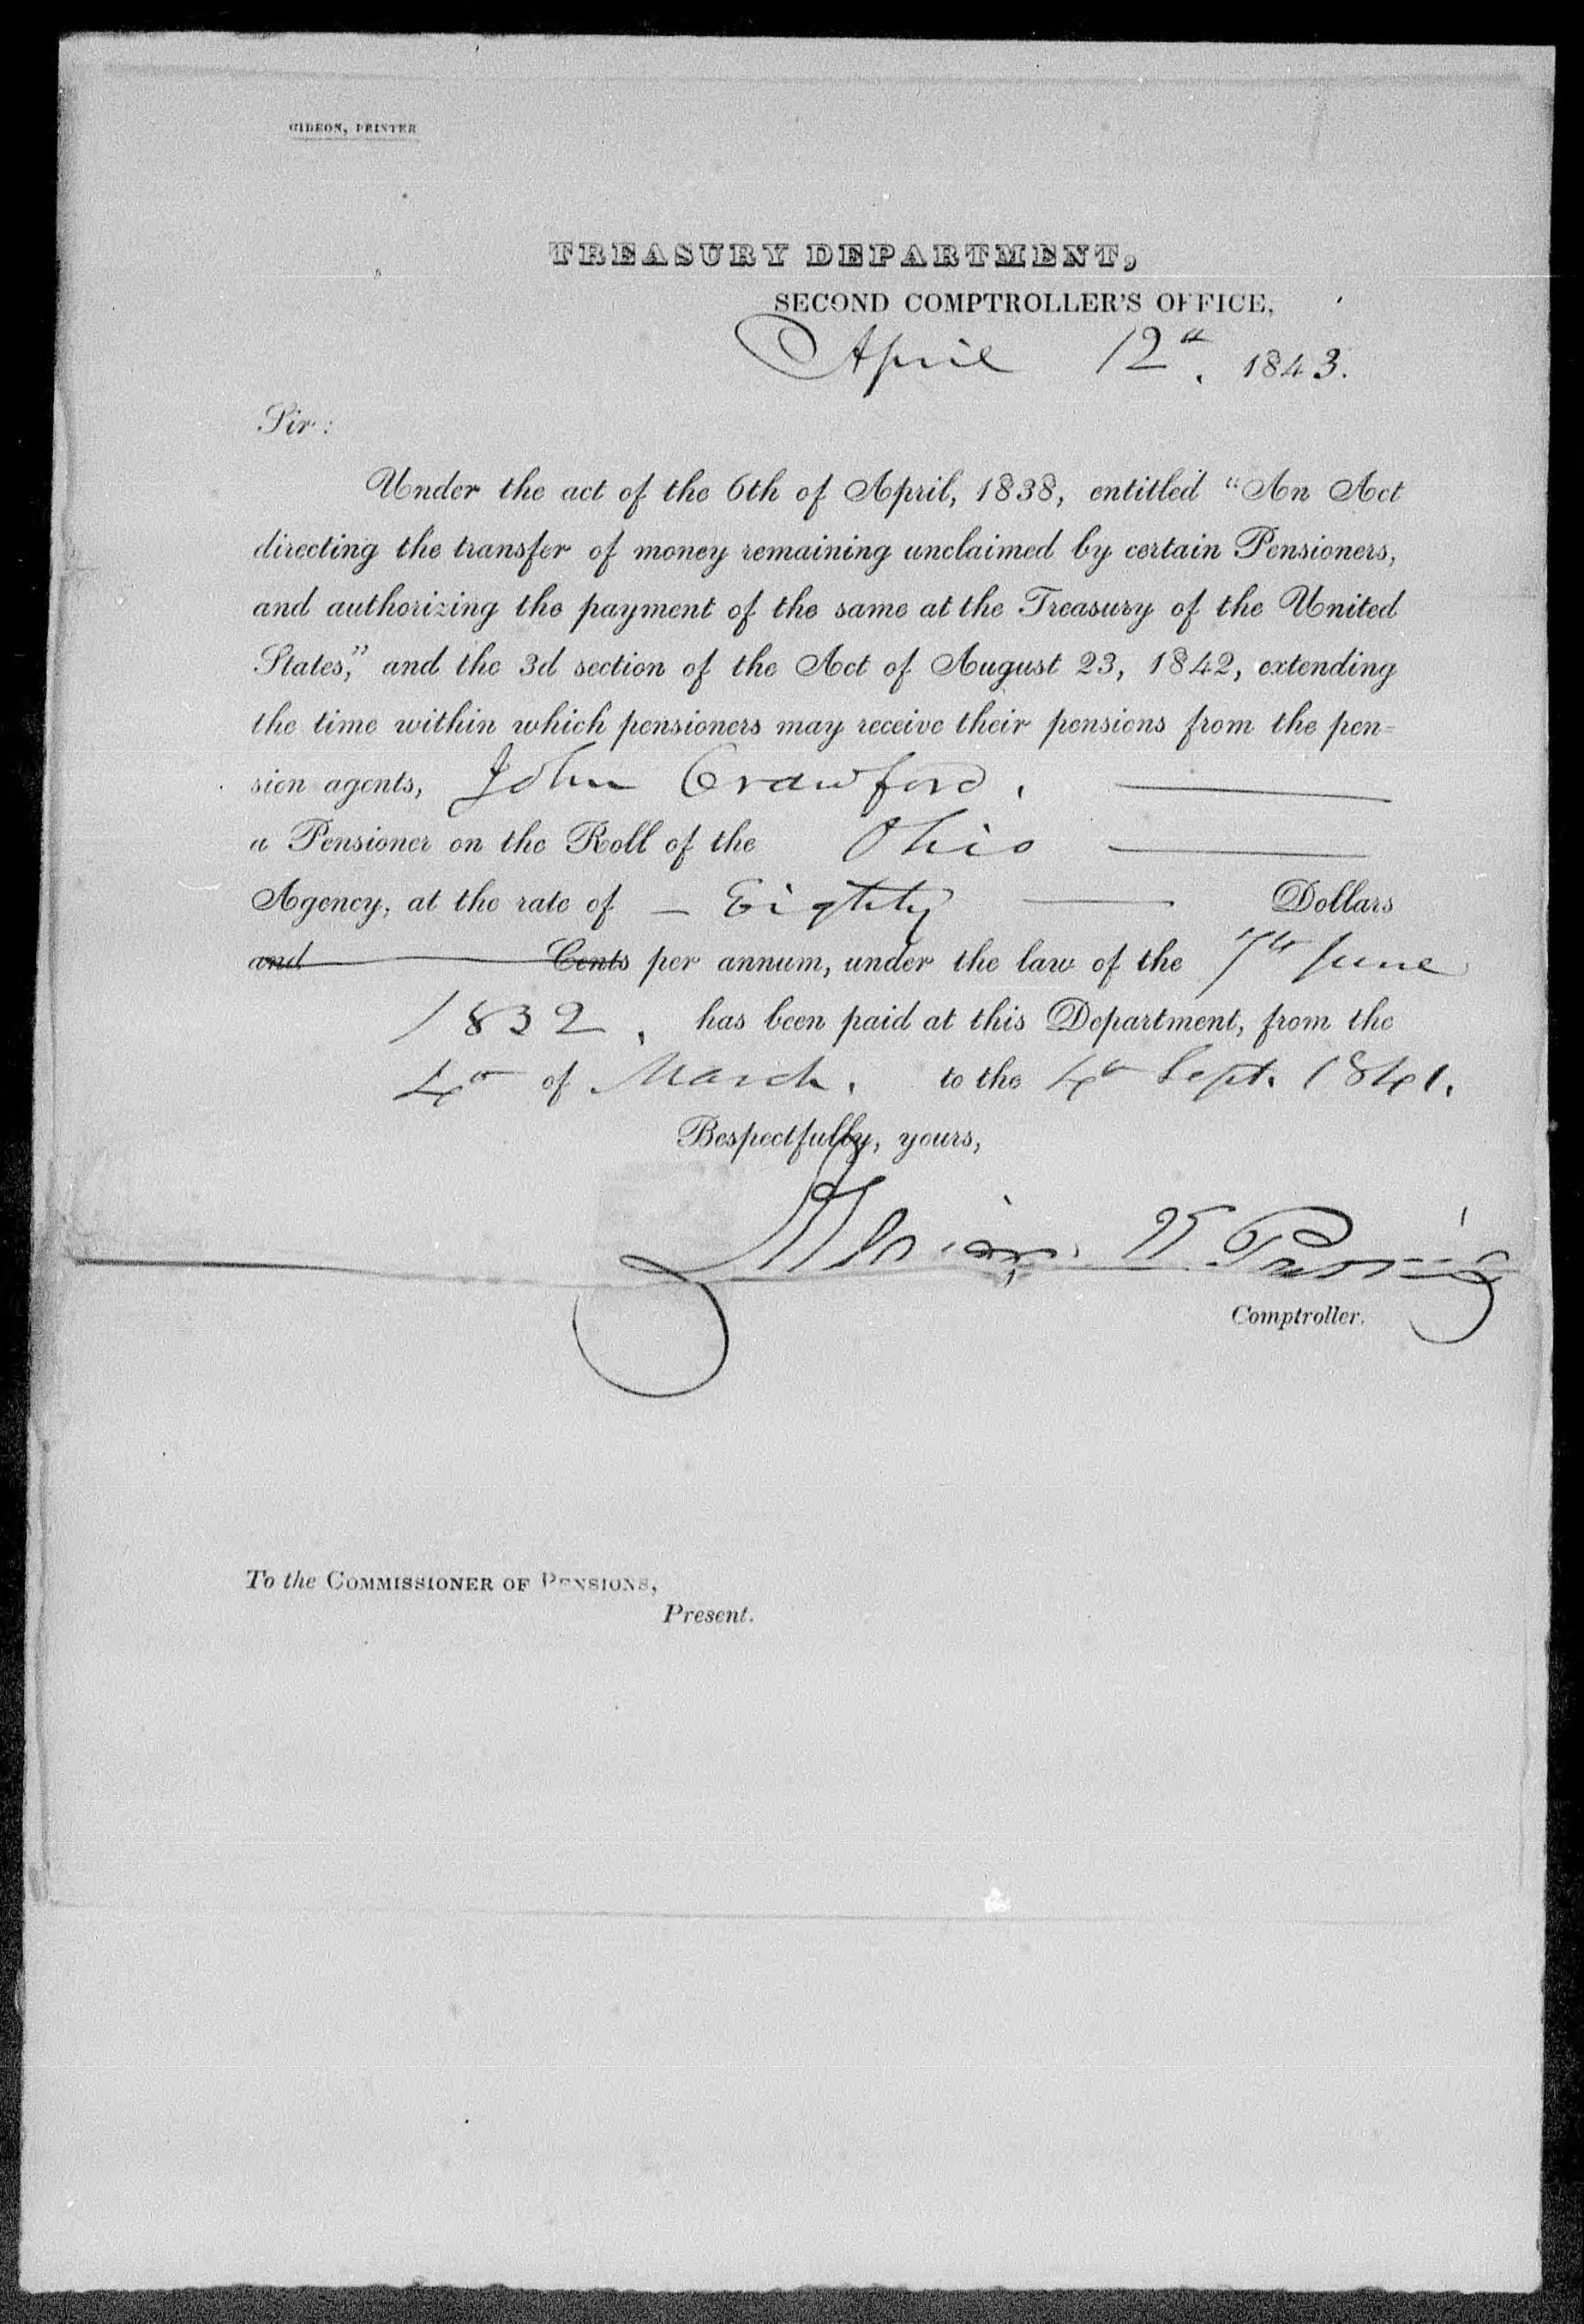GIDEON, PRINTER

TREASURY DEPARTMENT
SECOND COMPTROLLER'S OFFICE,
April 12th, 1843
Sir,
Under the act of the 6th of April 1838, entitled "An Act directing the transfer of money  remaining unclaimed by certain Pensioners
and authorizing the payment of the same at the Treasury of the United States," and the 3d section of the Act of August 23, 1842, extending the time within which pensioners may receive their pensions from the pension agents, John Crawford, a Pensioner on the Roll of the Ohio Agency, at the rate of Eighty
Dollars per annum, under the law of the 7th June 1832, has been paid at this Department, from the 4th of March to the 4th Sept. 1841.
Respectfully, yours,
Albion K. Parris
Comptroller.
To the COMMISSIONER OF PENSIONS,
Present.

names: John Crawford, Albion K Parris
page: 33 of 80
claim: widow's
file: W 2070, John Crawford, Penn.